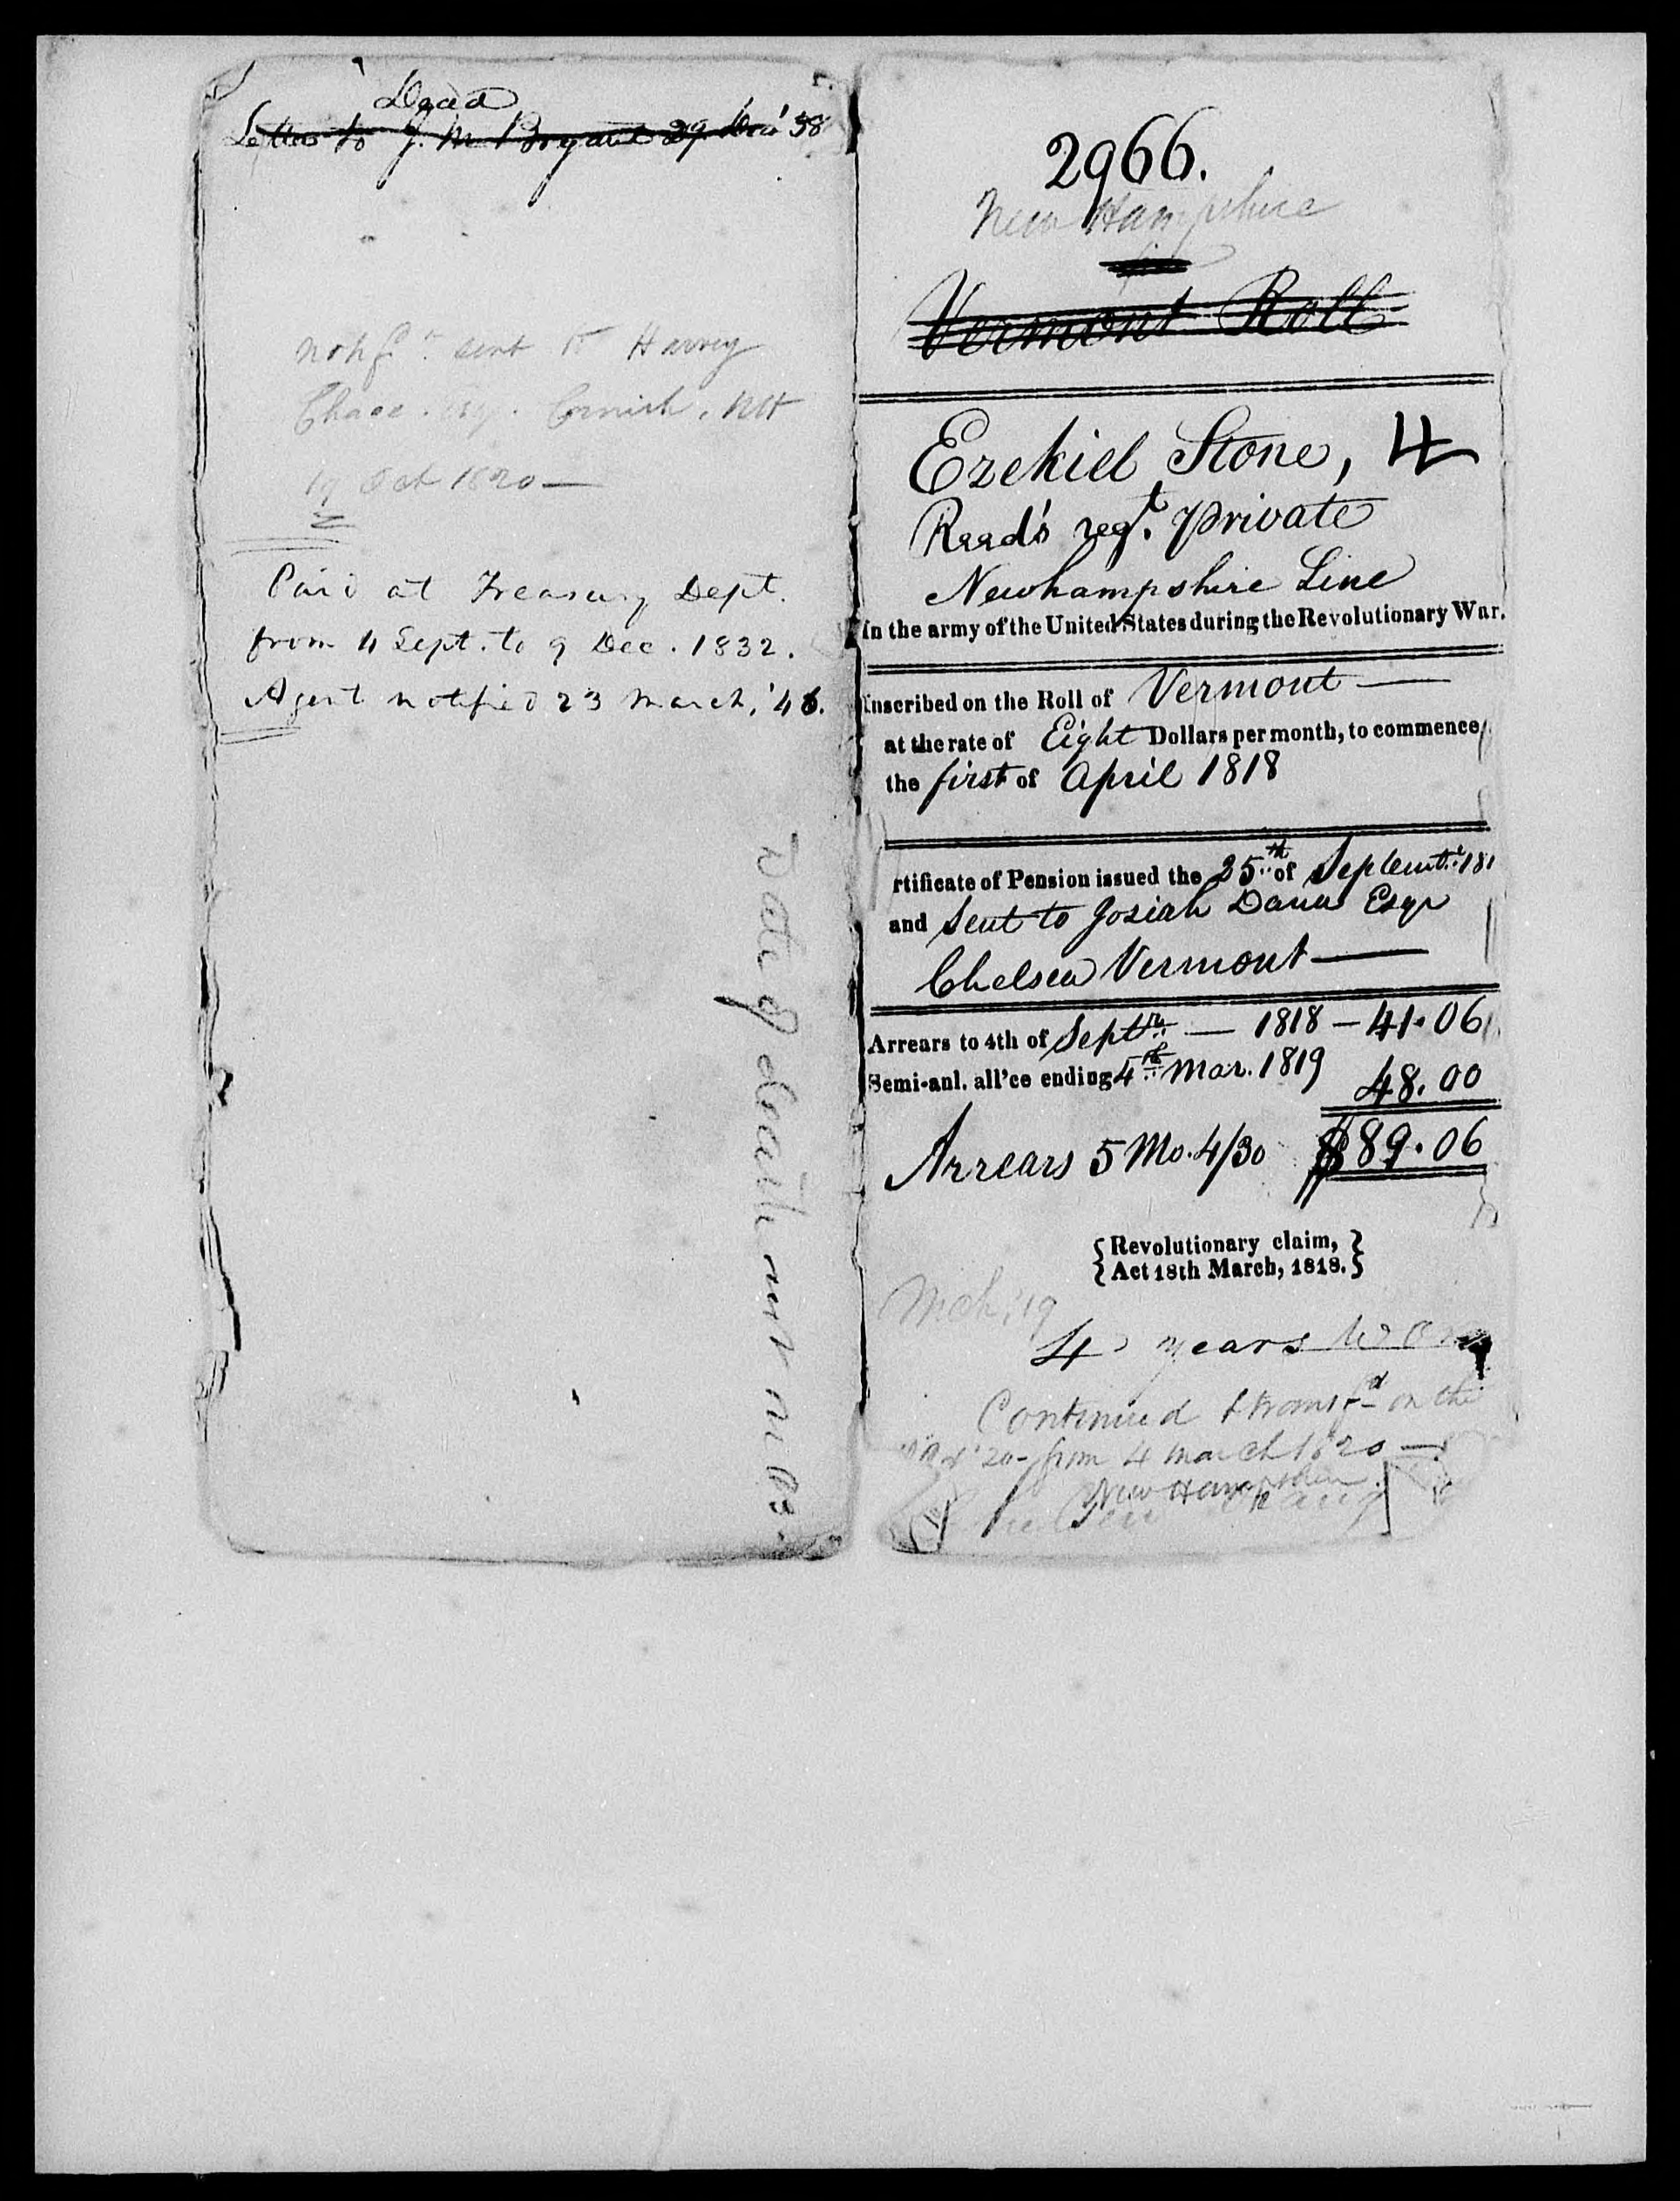[left side of page]

Dec'd
["Letter to J.M. Bryant 29 Dec '38" stricken out]

Notif'n sent to Harvey
Chase Esqr.  Cornish, NH
19 Oct 1820--
======
Paid at Treasury Dept.
from 10 Sept. to 9 Dec. 1832.
Agent notified 23 March, '46.

[written vertically near center of page]
Date of death not on A.B.




[right side of page]

2966.
New Hampshire
["pvt Vermont Roll" stricken out]
============================
Ezekiel Stone,  [double checkmark]
Reed's reg't  private
Newhampshire Line
In the army of the United States during the Revolutionary War.
============================
Inscribed on the Roll of Vermont 
at the rate of Eight Dollars per month, to commence the first of April 1818
============================
Certificate of Pension issued the 25th of September 1818 and Sent to Josiah Dann
Esqr.  Chelsea Vermont--
============================
Arrears to 4th of Sept'r--1818--...............41.06
Semi-anl. all'ce ending 4th Mar 1819....48.00
..........................................................................======
Arrears 5 Mo. 4/30......................................$89.06
.........................................................................======

(Revolutionary claim,     )
(Act 18th March, 1818.  )

Mch. 19
4 years War
Continued & transf'd on the
[page torn & missing[ Oct '20--from 4 March 1820--
New Hampshire
Chelsea  Orange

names: Hervey Chase; J M Bryant; Josiah Dana; Ezekiel Stone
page: 2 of 38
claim: survivor's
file: S. 43181, for Ezekiel Stone, New Hampshire